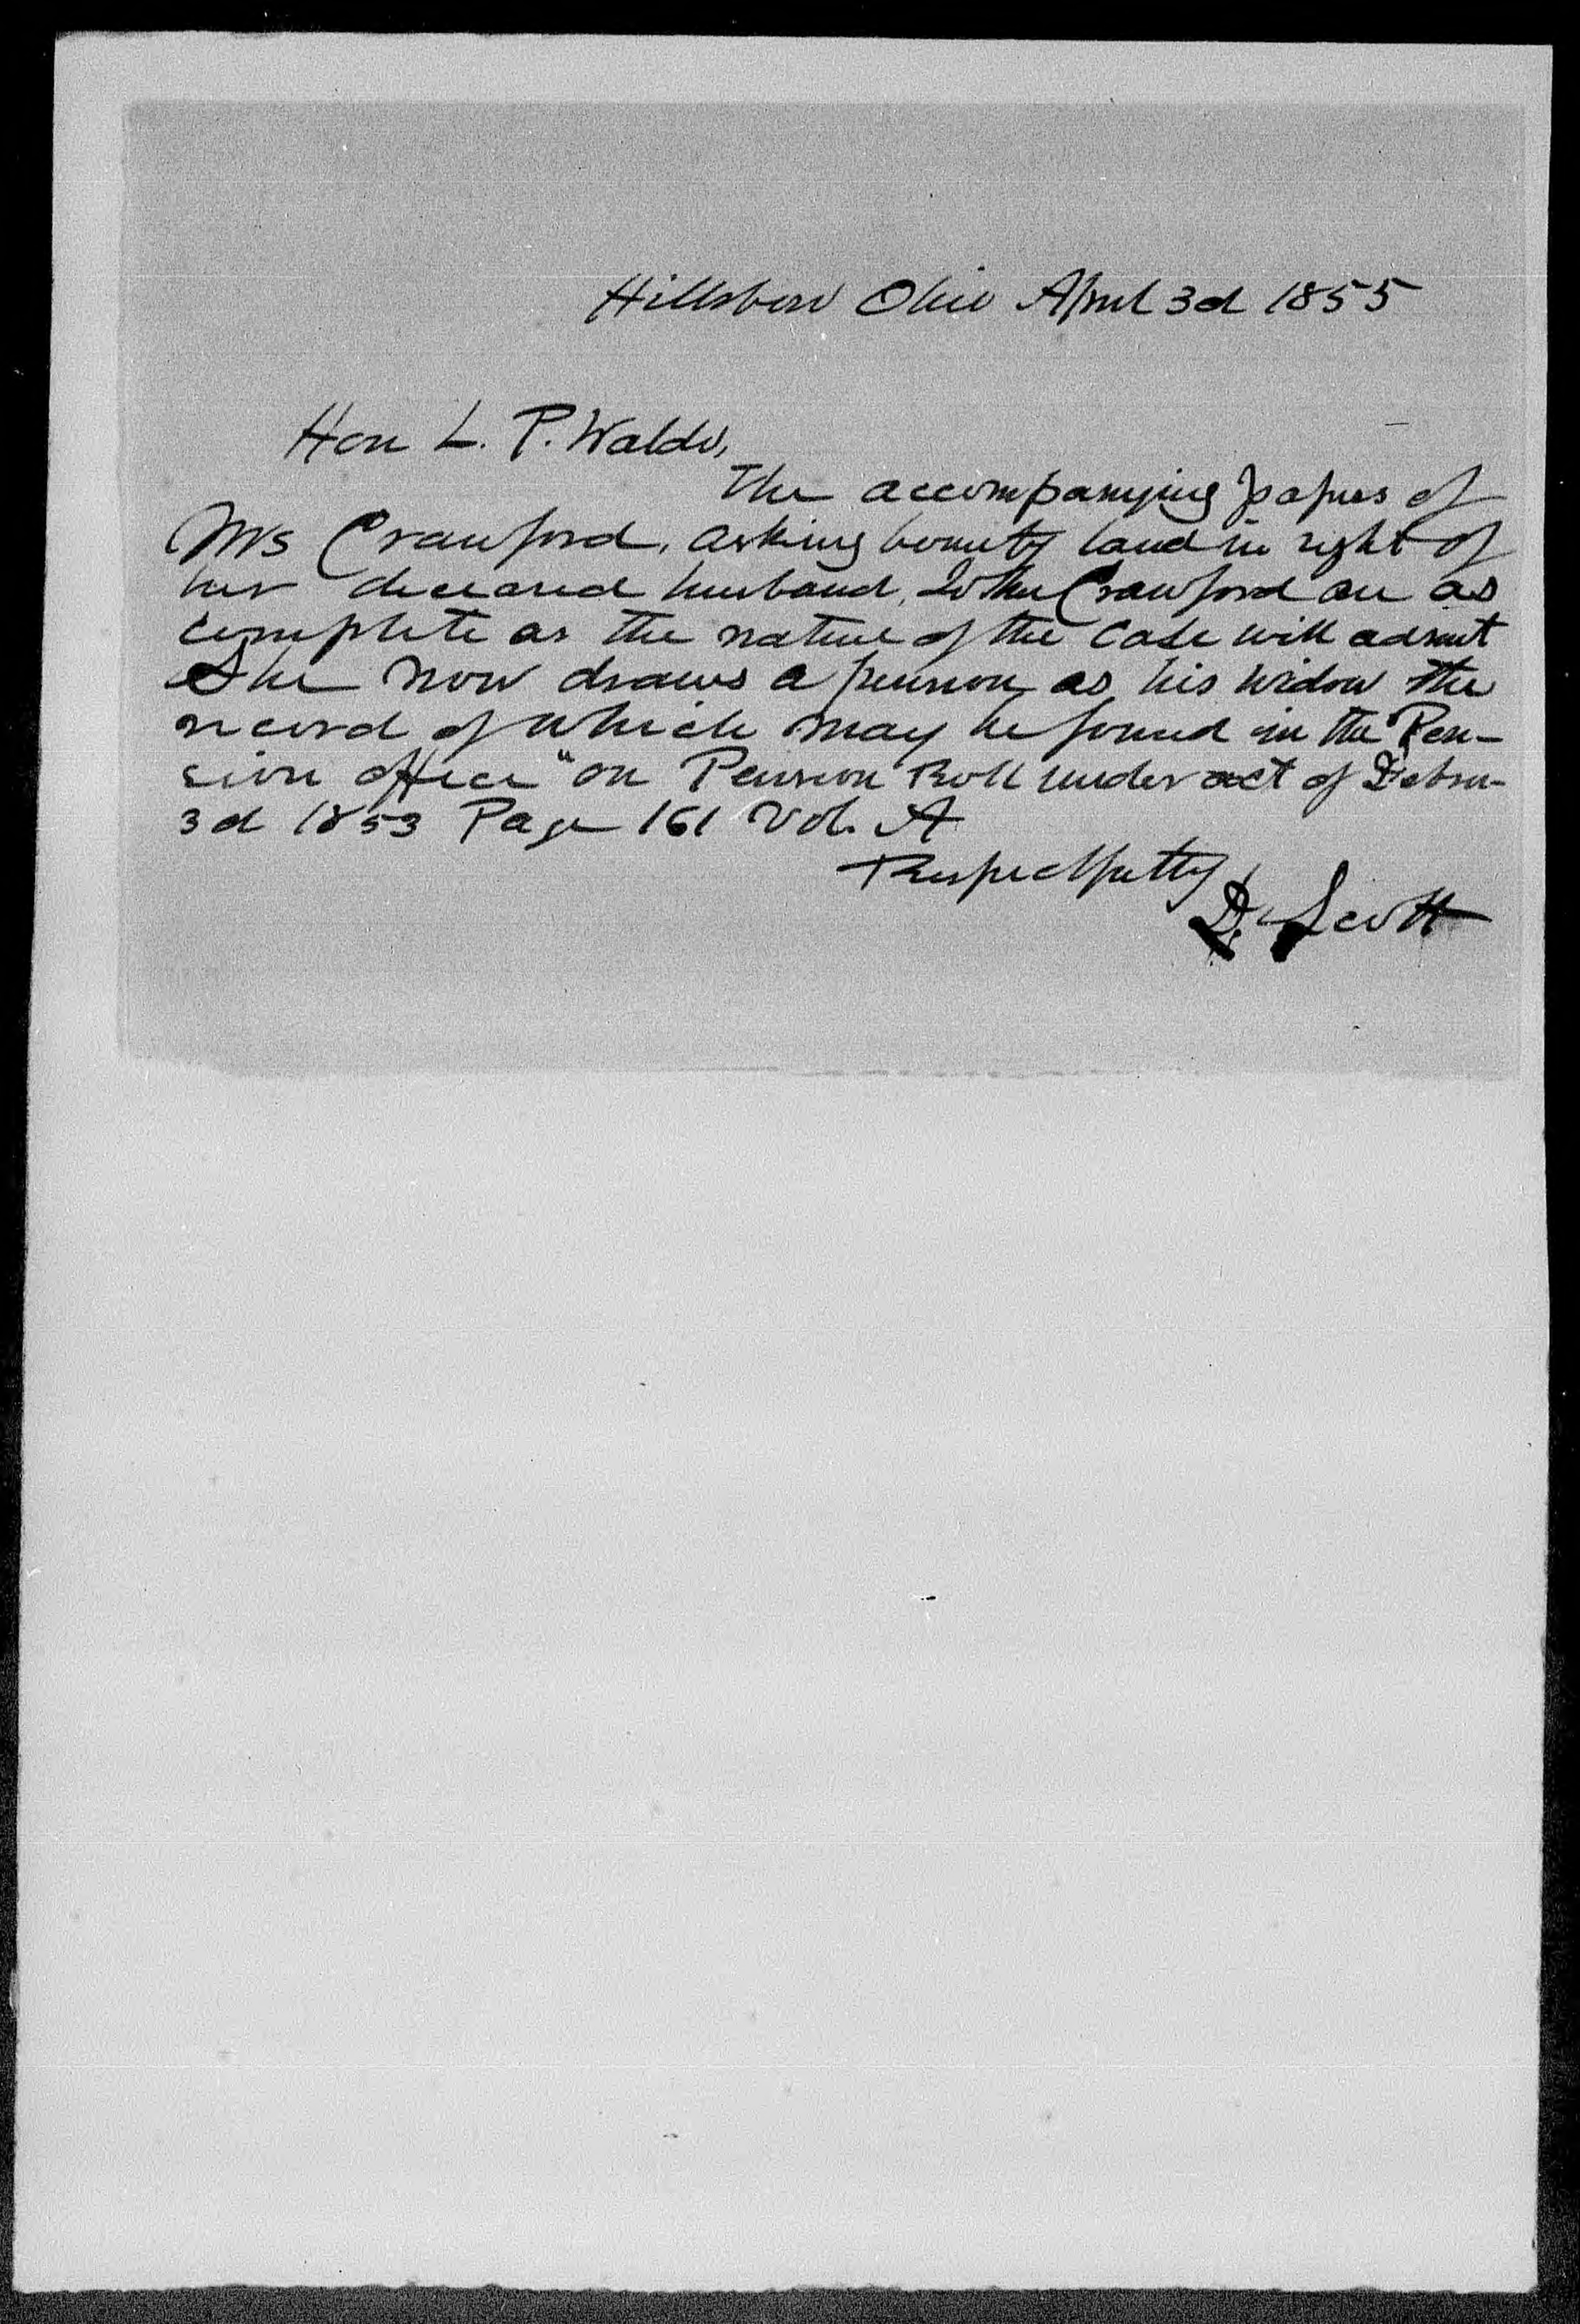Hillsboro Ohio April 3 1855
Hon L. P. Waldo
the accompanying papers of  Mrs. Crawford, asking bounty land in right of her deceased husband, John Crawford are as complete as the nature of the case will admit

She now draws a pension as his widow the record of which may be found in the pension office on Pension Roll under act of Febru 3d 1853 page 161 Vol. A
Respectfully
D. Scott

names: D Scott, Crawford, John Crawford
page: 50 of 80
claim: widow's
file: W 2070, John Crawford, Penn.